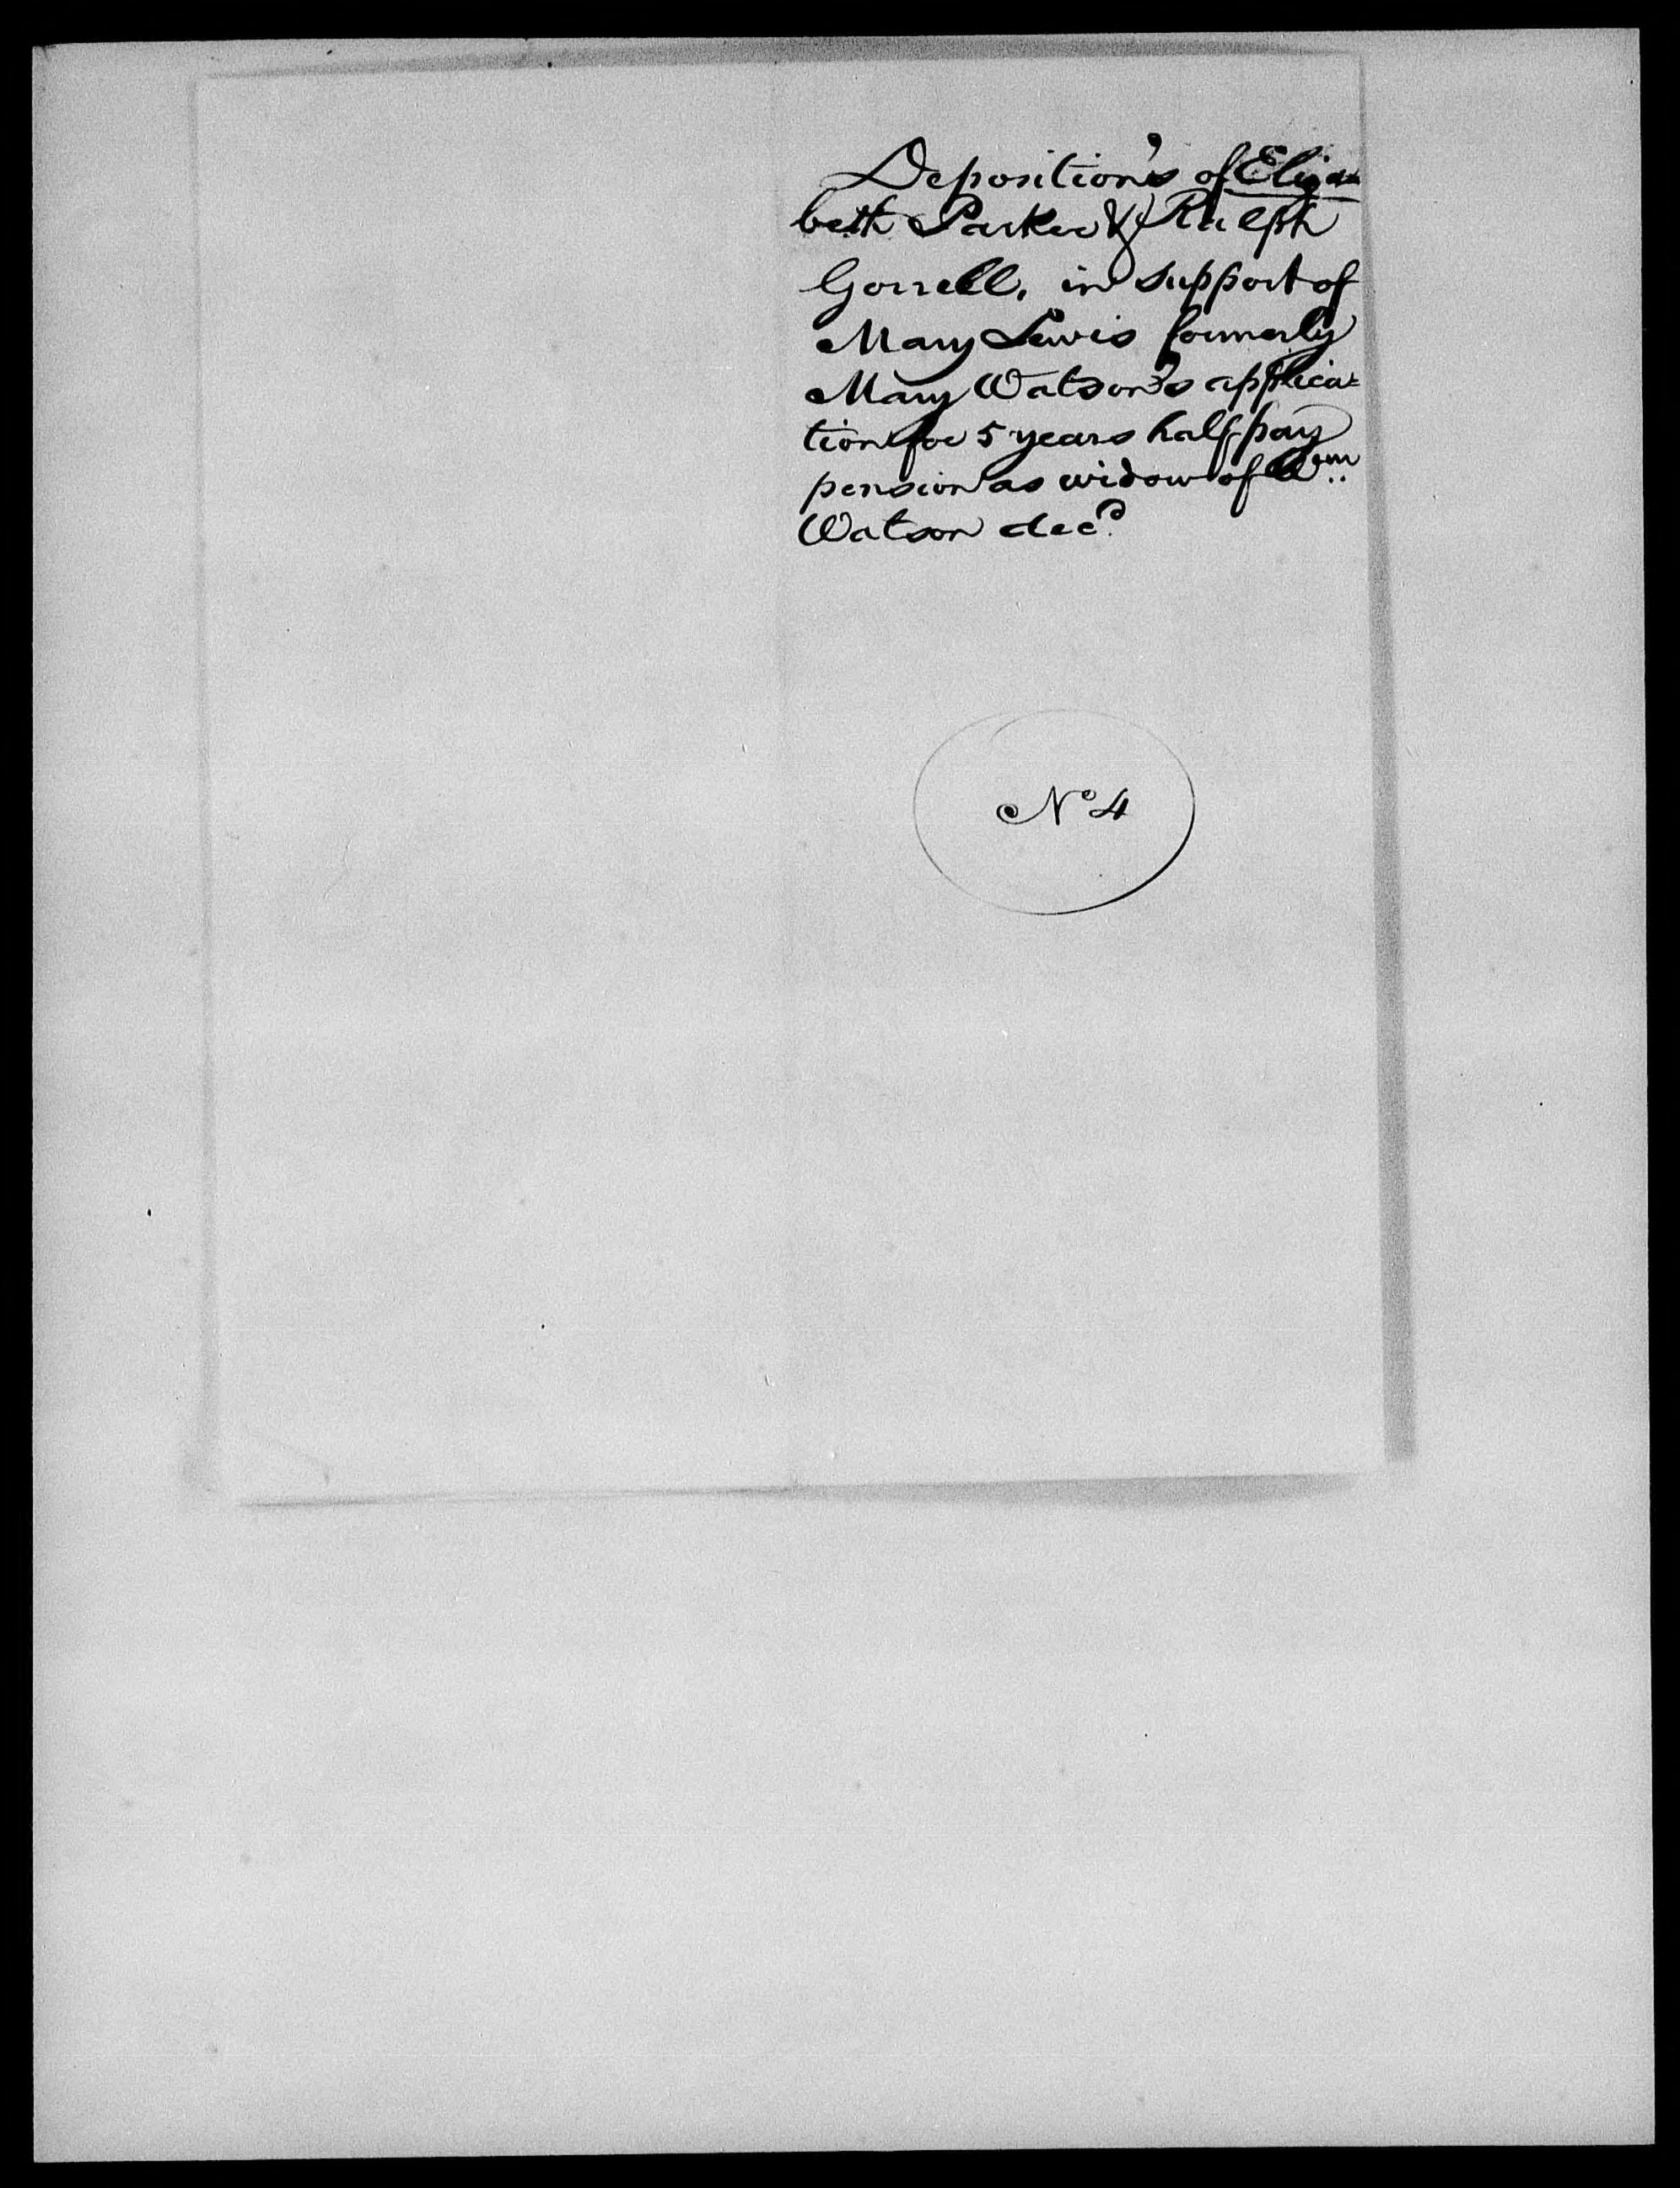Deposition's of Elizabeth Parker & Ralph Gorrell, in support of Mary Lewis formerly Mary Watson's application for 5 years half pay pension as widow of Wm Watson decd.

No 4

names: Ralph Gorrell; Wm Watson; Mary Lewis; Elizabeth Parker; Mary Watson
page: 13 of 69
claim: widow's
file: W 8044, for Jacob Lewis, Virginia